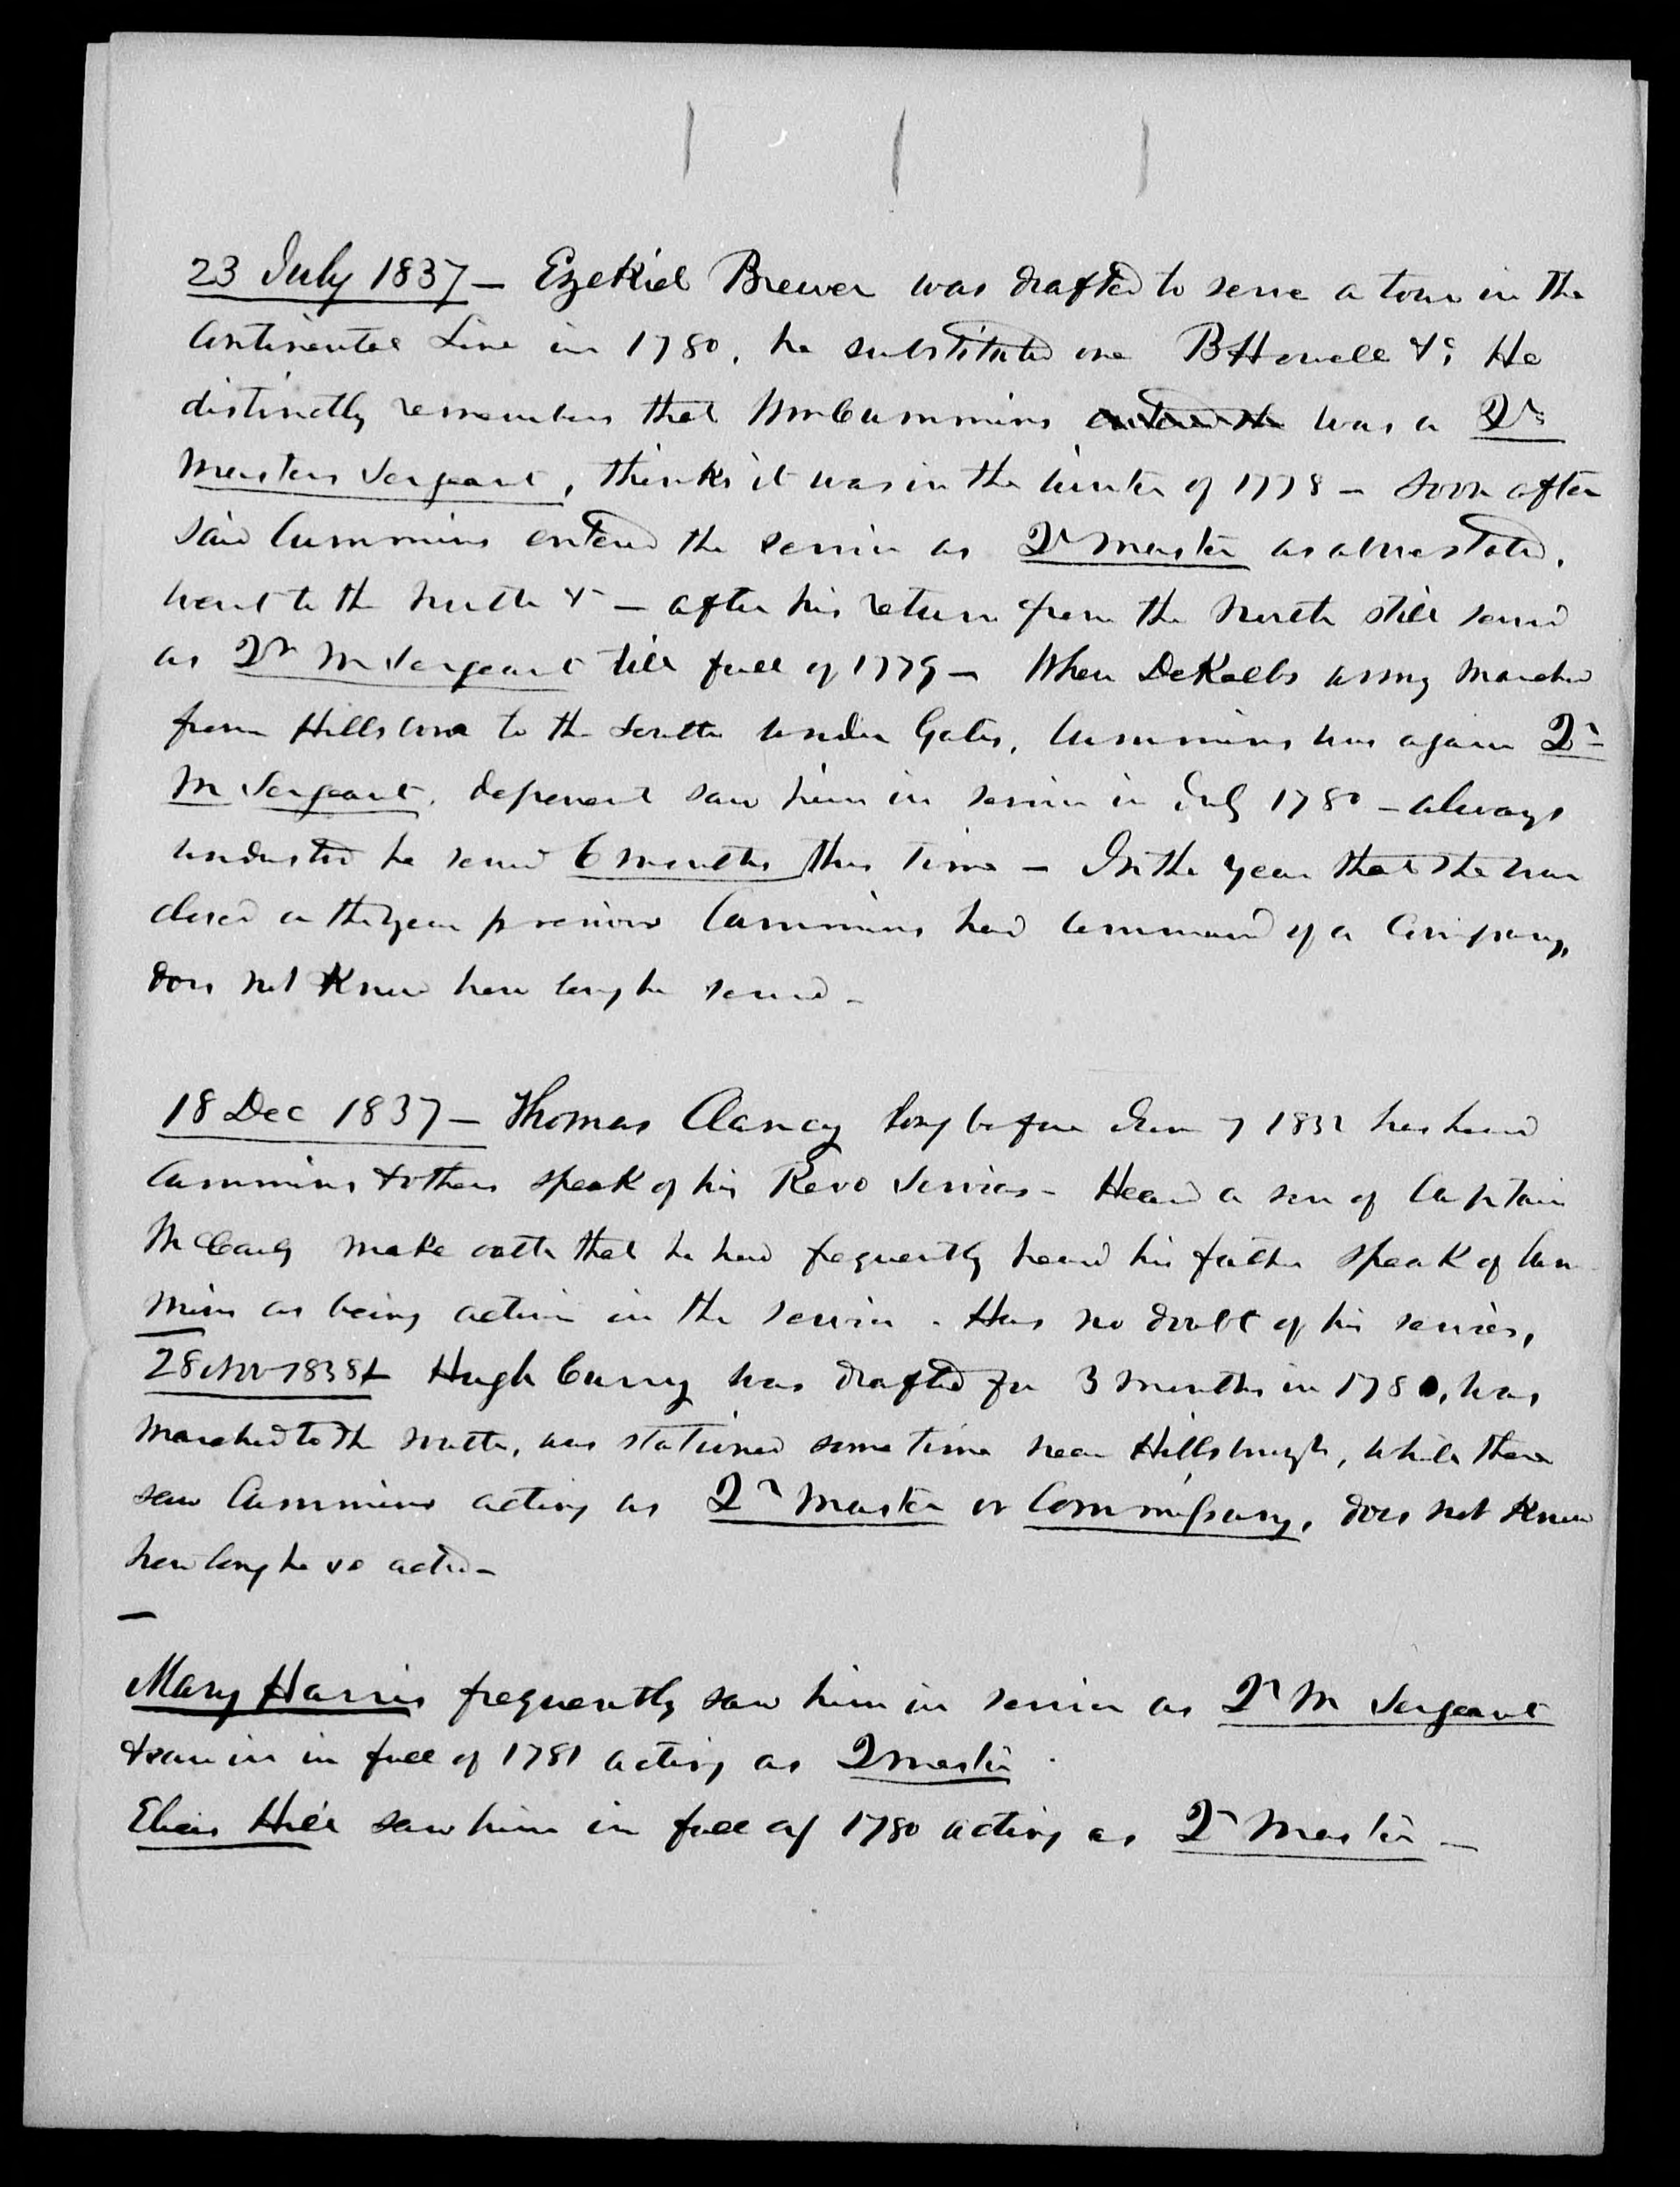[Continuation of handwritten account.  Occasional spacing has been included to make the text block easier to read.]

23 July 1837 - Ezekiel Brewer was drafted to serve a tour in the Continental Line in 1780, he substituted one B Howell &c,  He distinctly remembers that Wm Cummins [here "entered the" is stricken through] was a [the next three words are underlined:] Qrs. [Quarters] Masters Sergeant, thinks it was in the winter of 1778- soon after said Cummins entered the service as [here the following rank is underlined:] Qr [Quarter] Master as above stated, went to the North and -  after his return from the North still served as [here the following rank is underlined:] Qr [Quarter] M {Master] Sergeant till fall of 1779 - 

When DeKalbs army marched from Hillsboro to the South under Gates, Cummins was again [the rank is underlined:] QR M [Quarter Master] Sergeant, deponent saw him in service in July 1780 - always understood he served [here the time frame is underlined:] 6 months this time - In the year that the war closed or the year previous Cummins had command of a Company, does not Know how long he served -

[Here the date is underlined:] 18 Dec 1837 - Thomas Clancy long before [?] Jun 7 1832 has heard Cummins and others speak of his Revo [Revolutionary] Services - Heard a son of Captain McCaily [McCauly] make oath that he had frequently heard his father speak of Cummins as being active in the Service. - Has no doubt of his services,

[The date is underlined:] 28 Nov 1838 - Hugh Curry was drafted for 3 months in [here the last number in the year is blotted, but the year appears to have been:] 1780, was Marched to the [?] South, was stationed some time near Hillsboregh [Hillsborough], while there saw Cummins acting as [here the rank is underlined:] Qr [Quarter] Master or [here the following word is underlined:] Commissary, does not Know how long he so acted - 

[The following name is underlined:] Mary Harris frequently saw him in service as [the following rank is underlined:] Qr M [Quarter Master] Sergeant and saw in [perhaps meaning him] in fall of 1781 acting as [here the rank is underlined:] Qmaster [Quarter Master]

[The following name is underlined:] Elias Hill [or ? Hier] saw him in fall of 1780 acting as [here the following rank is underlined:] Qr Master [Quarter Master] -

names: Thomas Clancy, Cummins, Mary Harris, Ezekiel Brewer, Cummins, Hugh Curry, Mc Cauly, Wm Cummins, Cummins, Cummins, Gates, Elias Hill, Cummins, B Howell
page: 57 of 145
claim: survivor's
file: S. 8265, William Cumming, N.C.